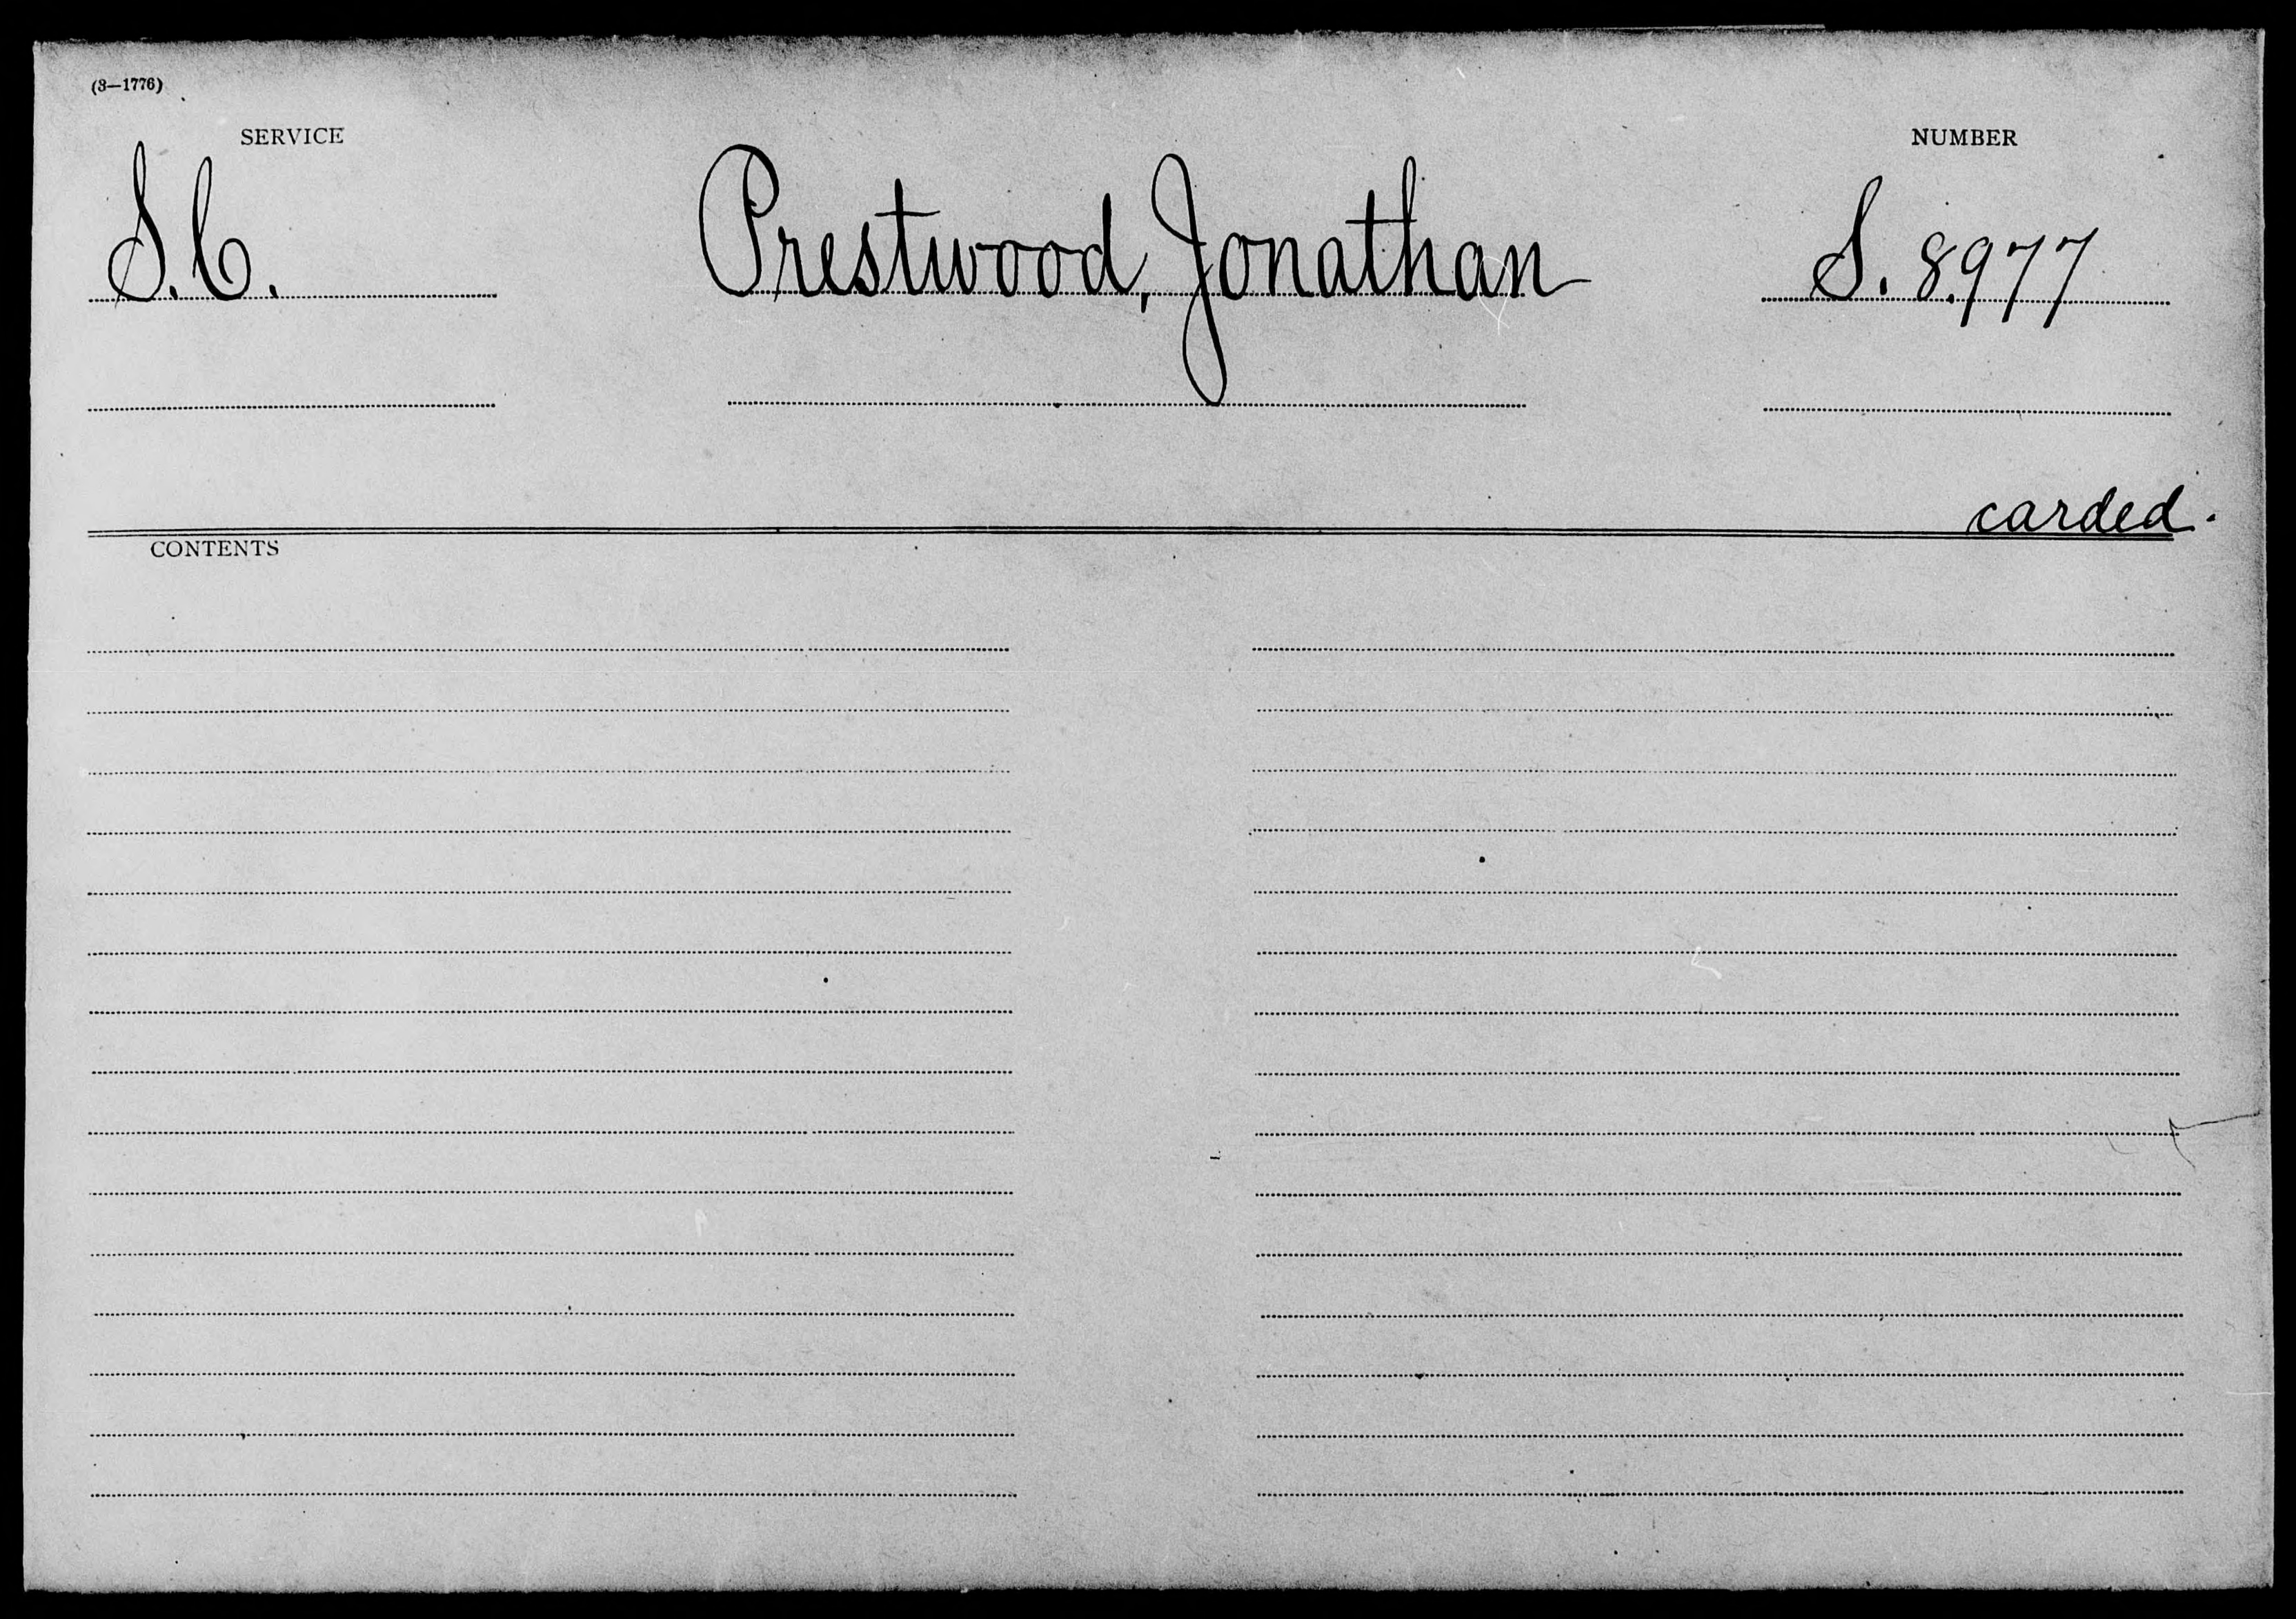(3-1776)

SERVICE 
SC

Prestwood, Jonathan

NUMBER 
S. 8.977

carded
CONTENTS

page: 1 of 13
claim: survivor's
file: S. 8,977, for Jonathan Prestwood, South Carolina